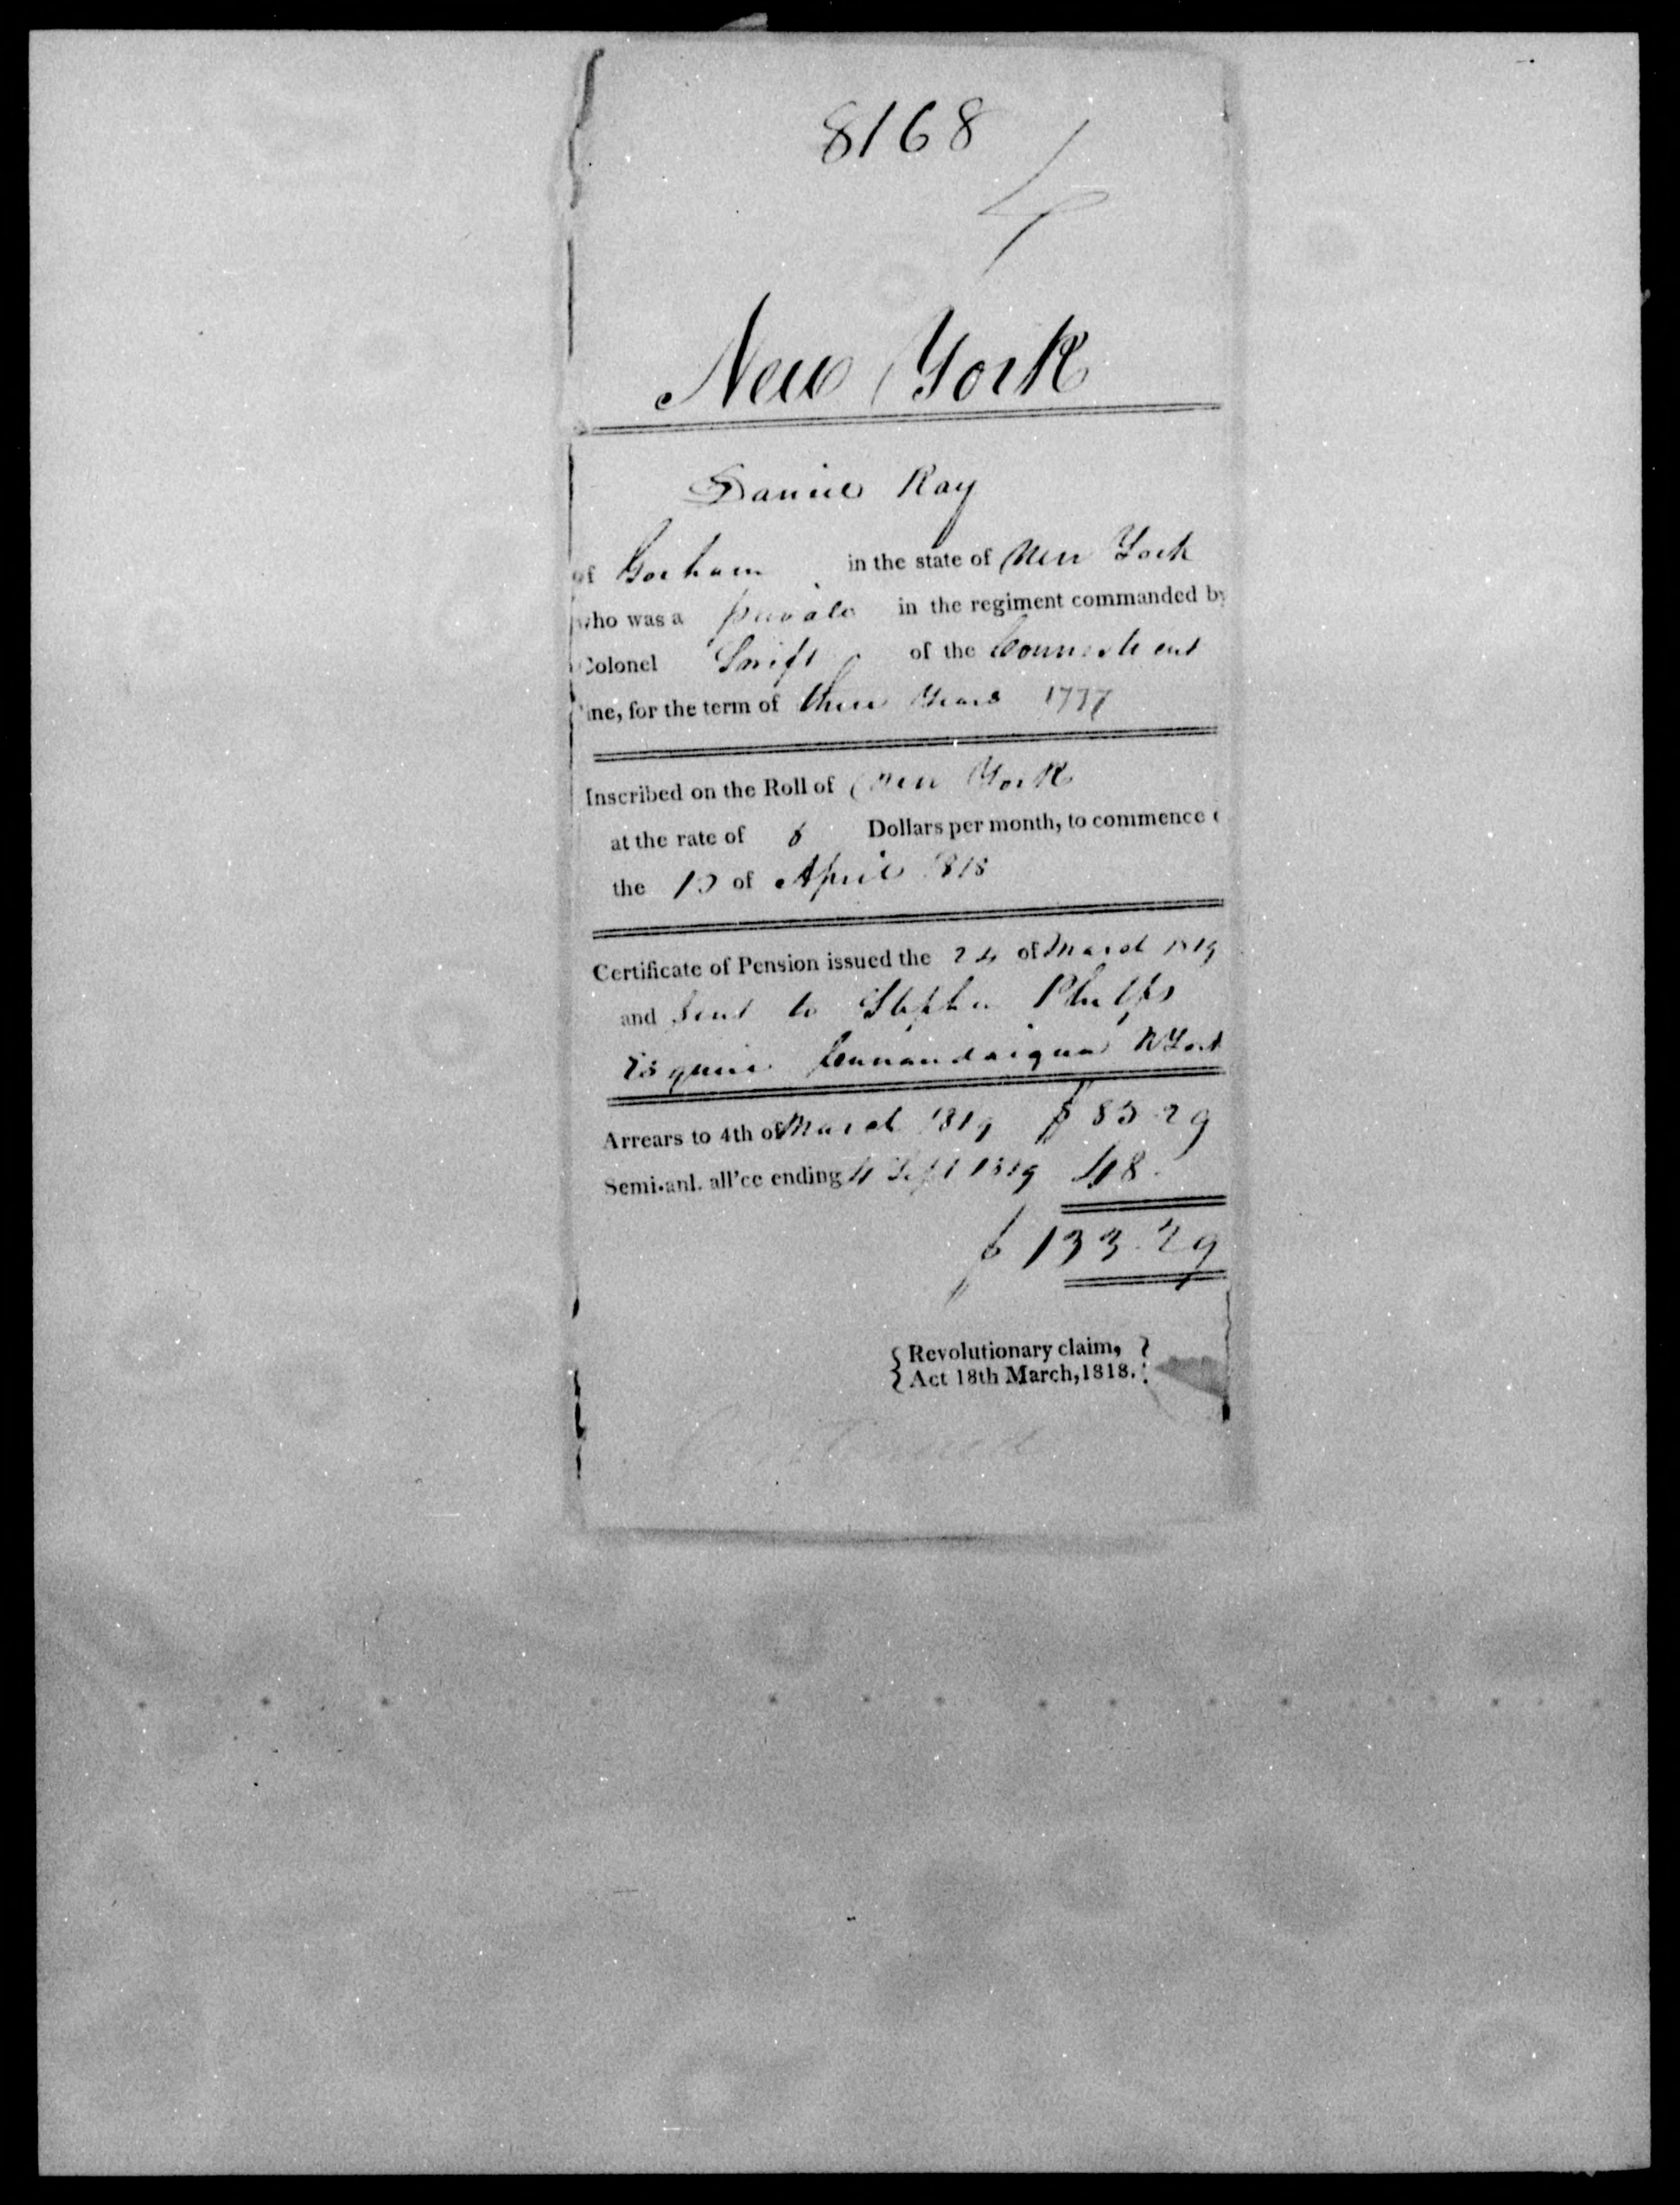8168
LP
New York
Daniel Ray
of Gorham, in the state of New York
who was a private in the regiment commanded by
Colonel Swift of the Connecticut
line, for the term of three Years 1777
Inscribed on the Roll of New York
at the rate of 6 Dollars per month, to commence on
the 15 of April 1818
Certificate of Pension issued the 24 of March 1819
and Sent to Stephen Phelps
Esquire Canandaigua NYork
Arrears to 4th of March 1819           $85.29
Semi-anl. all'ce ending 4 Sept 1819   48
                                                              $133.29
{Revolutionary Claim,
Act 18th March 1818}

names: Stephen Phelps; [BLANK] Swift; Daniel Ray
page: 2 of 20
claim: survivor's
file: S. 43891, for Daniel Ray, Connecticut